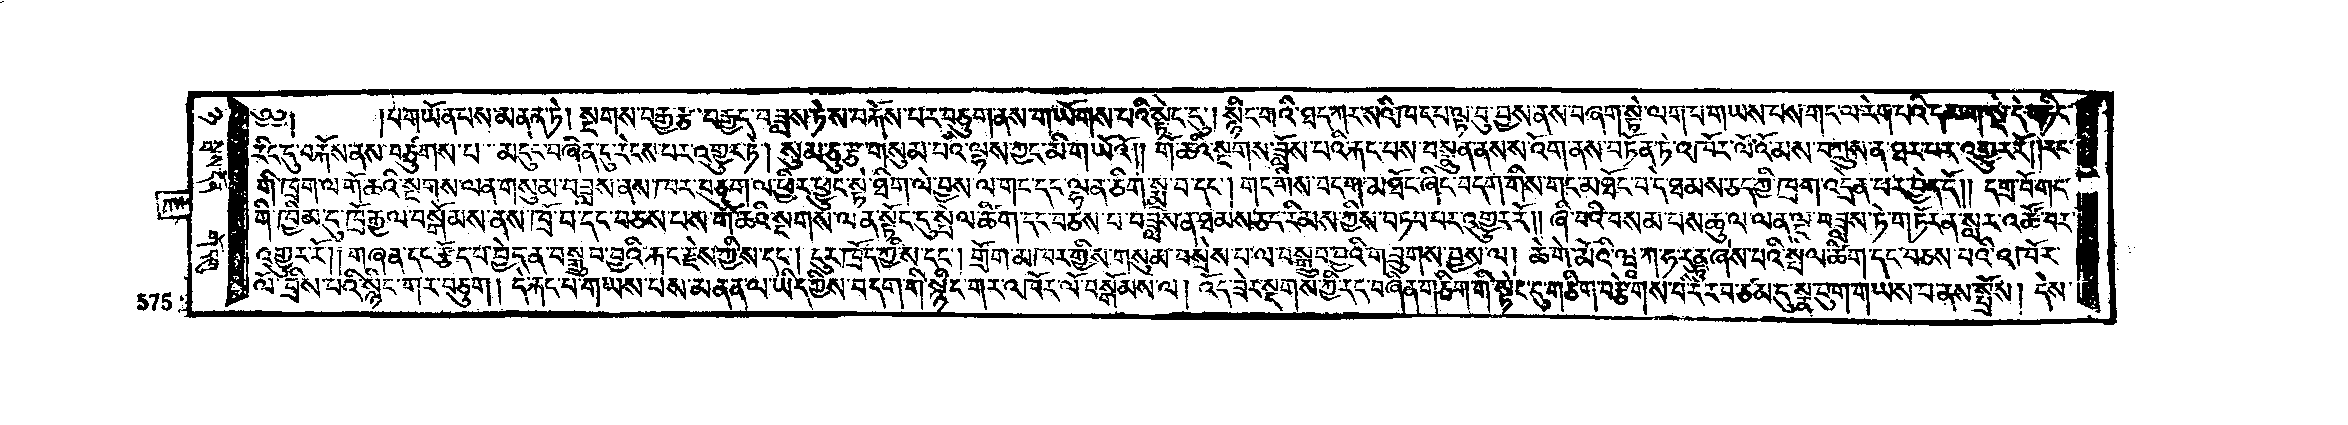༄༅། །པ་གཡོན་པས་མནན་ཏེ། སྔགས་བརྒྱ་རྩ་བརྒྱད་བཟླས་ཏེ་ས་བརྐོས་པར་བཅུག་ནས་གཡོགས་པའི་སྟེང་དུ། སྙིང་གའི་ཐད་ཀར་སའི་ཁང་པ་ལྟ་བུ་བྱས་ནས་བཞག་སྟེ་ལག་པ་གཡས་པས་གང་ལ་རེག་པའི་དམག་སྡེ་དེ་གཏིང་
རིང་དུ་བརྐོས་ནས་བཙུགས་པ་མདུང་བཞིན་དུ་རེངས་པར་འགྱུར་ཏེ། སུམ་ཅུ་རྩ་གསུམ་པའི་ལྷས་ཀྱང་མི་གཡོའོ། །གོ་ཆའི་སྔགས་ཟློས་པའི་རྐང་པས་བསྣུན་ནས་ས་འོག་ནས་བཏོན་ཏེ་འཁོར་ལོ་འོ་མས་བཀྲུས་ན་ཐར་པར་འགྱུར་རོ། །རང་
གི་ཁྲག་ལ་གོ་ཆའི་སྔགས་ལན་གསུམ་བཟླས་ནས་ཁར་བཅུག་ལ་ཕྱིར་ཕྱུང་སྟེ་ཐིག་ལེ་བྱས་ལ་གང་དང་ལྷན་ཅིག་སྨྲ་བ་དང་། གང་གིས་བདག་མཐོང་ཞིང་བདག་གིས་གང་མཐོང་བ་དེ་ཐམས་ཅད་ཀྱི་ཁྲག་འདྲེན་པར་བྱེད་དོ། །དགྲ་བོ་གང་
གི་ཁྱིམ་དུ་ཁྲོ་རྒྱལ་བསྒོམས་ནས་ཁྲོ་བ་དང་བཅས་པས་གོ་ཆའི་སྔགས་ལན་སྟོང་དུ་སྤེལ་ཚིག་དང་བཅས་པ་བཟླས་ན་ཐམས་ཅད་རིམས་ཀྱིས་བཏབ་པར་འགྱུར་རོ། །ཞི་བའི་བསམ་པས་ཆུ་ལ་ལན་ལྔ་བཟླས་ཏེ་གཏོར་ན་སླར་འཚོ་བར་
འགྱུར་རོ། །གཞན་དང་རྩོད་པ་བྱེད་ན་བསྒྲུབ་བྱའི་རྐང་རྗེས་ཀྱི་ས་དང་། དུར་ཁྲོད་ཀྱི་ས་དང་། གྲོག་མཁར་གྱི་ས་གསུམ་བསྲེས་པ་ལ་བསྒྲུབ་བྱའི་གཟུགས་བྱས་ལ། ཆེ་གེ་མོའི་ཝཱ་ཀ་ཧ་རནྟུ་ཞེས་པའི་སྤེལ་ཚིག་དང་བཅས་པའི་འཁོར་
ལོ་བྲིས་པའི་སྙིང་གར་བཅུག །དེ་རྐང་པ་གཡས་པས་མནན་ལ་ཡིད་ཀྱིས་བདག་གི་སྙིང་གར་འཁོར་ལོ་བསྒོམས་ལ། འོད་ཟེར་སྔགས་ཀྱི་རང་བཞིན་གཅིག་གི་སྟེང་དུ་གཅིག་བརྩེགས་པ་རི་རབ་ཙམ་དུ་སྣ་བུག་གཡས་པ་ནས་སྤྲོས། དེས་